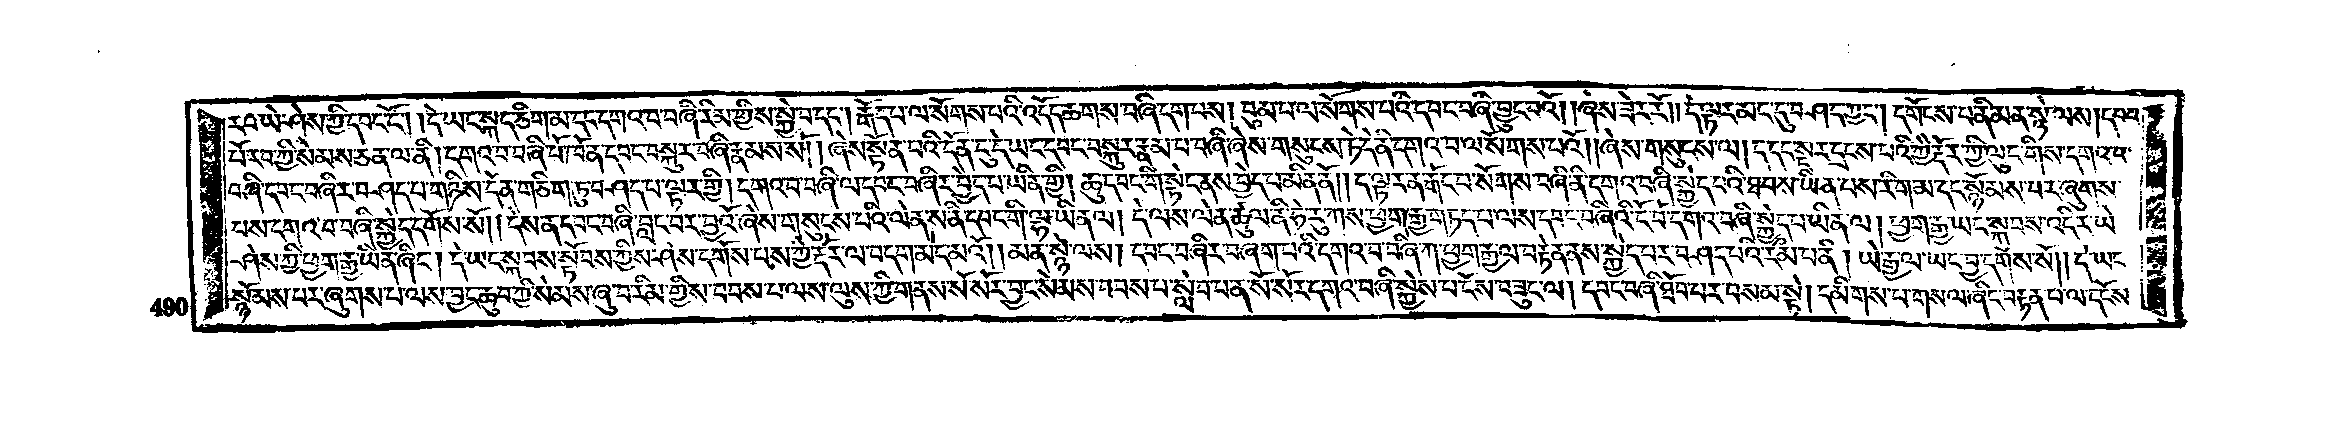རབ་ཡེ་ཤེས་ཀྱི་དབང་ངོ། །དེ་ཡང་སྐད་ཅིག་མ་དང་དགའ་བ་བཞི་རིམ་གྱིས་སྐྱེ་བ་དང་། རྒོད་པ་ལ་སོགས་པའི་འདོད་ཆགས་བཞི་དག་པས། བུམ་པ་ལ་སོགས་པའི་དབང་བཞི་བྱུང་བའོ། །ཞེས་ཟེར་རོ། །དེ་ལྟར་མང་དུ་བཤད་ཀྱང་། དགོངས་པ་ནི་མན་སྙེ་ལས། དབབ་
པོ་རབ་ཀྱི་སེམས་ཅན་ལ་ནི། དགའ་བ་བཞི་པོ་ཁོ་ན་དབང་བསྐུར་བཞི་རྣམས་སོ། །ཞེས་སྟོན་པའི་དོན་དུ་དེ་ཡང་དབང་བསྐུར་རྣམ་པ་བཞི་ཞེས་གསུངས་ཏེ་དེ་ནི་དགའ་བ་ལ་སོགས་པའོ། །ཞེས་གསུངས་ལ། ད་དང་སྔར་དྲངས་པའི་ཀྱཻ་རྡོར་གྱི་ལུང་གིས་དགའ་བ་
བཞི་དབང་བཞིར་བཤད་པ་གཉིས་དོན་གཅིག་ཏུ་བཤད་པ་ལྟར་གྱི། དགའ་བ་བཞི་ལ་དབང་བཞིར་བྱེད་པ་ཡིན་གྱི། ཆུ་དབང་གི་སྟེང་ནས་བྱེད་པ་མིན་ནོ། །ད་ལྟར་ན་རྒོང་པ་སོགས་བཞི་ནི་དགའ་བཞི་སྐྱེད་པའི་ཐབས་ཡིན་པས་རིག་མ་དང་སྙོམས་པར་ཞུགས་
པས་དགའ་བ་བཞི་སྐྱེད་དགོས་སོ། །དེས་ན་དབང་བཞི་བླང་བར་བྱའོ་ཞེས་གསུངས་པའི་ལེན་ས་ནི་དབང་གི་ལྷ་ཡིན་ལ། དེ་ལས་ལེན་ཚུལ་ནི་ཧེ་རུ་ཀས་ཕྱག་རྒྱ་གཏད་པ་ལས་དབང་བཞིའི་ངོ་བོ་དགའ་བཞི་སྐྱེད་པ་ཡིན་ལ། ཕྱག་རྒྱ་ཡང་སྐབས་འདིར་ཡེ་
ཤེས་ཀྱི་ཕྱག་རྒྱ་ཡིན་ཞིང་། དེ་ཡང་སྐབས་སྟོབས་ཀྱིས་ཤེས་དགོས་པས་ཀྱི་རྡོར་ལ་བདག་མེད་མའོ། །མན་སྙེ་ལས། དབང་བཞིར་བཞག་པའི་དགའ་བ་བཞི་ཀ་ཕྱག་རྒྱ་ལ་བརྟེན་ནས་སྐྱེད་པར་བཤད་པའི་རིམ་པ་ནི། ཡེ་རྒྱ་ལ་ཡང་བྱ་དགོས་སོ། །དེ་ཡང་
སྙོམས་པར་ཞུགས་པ་ལས་བྱང་ཆུབ་ཀྱི་སེམས་ཞུ་བ་རིམ་གྱིས་བབས་པ་ལས་ལུས་ཀྱི་གནས་སོ་སོར་བྱང་སེམས་བབས་པ་སླེབ་པ་ན་སོ་སོར་དགའ་བཞི་སྐྱེས་པ་ངོས་བཟུང་ལ། དབང་བཞི་ཐོབ་པར་བསམ་སྟེ། དམིགས་པ་གསལ་ཞིང་བརྟན་པ་ལ་དངོས་